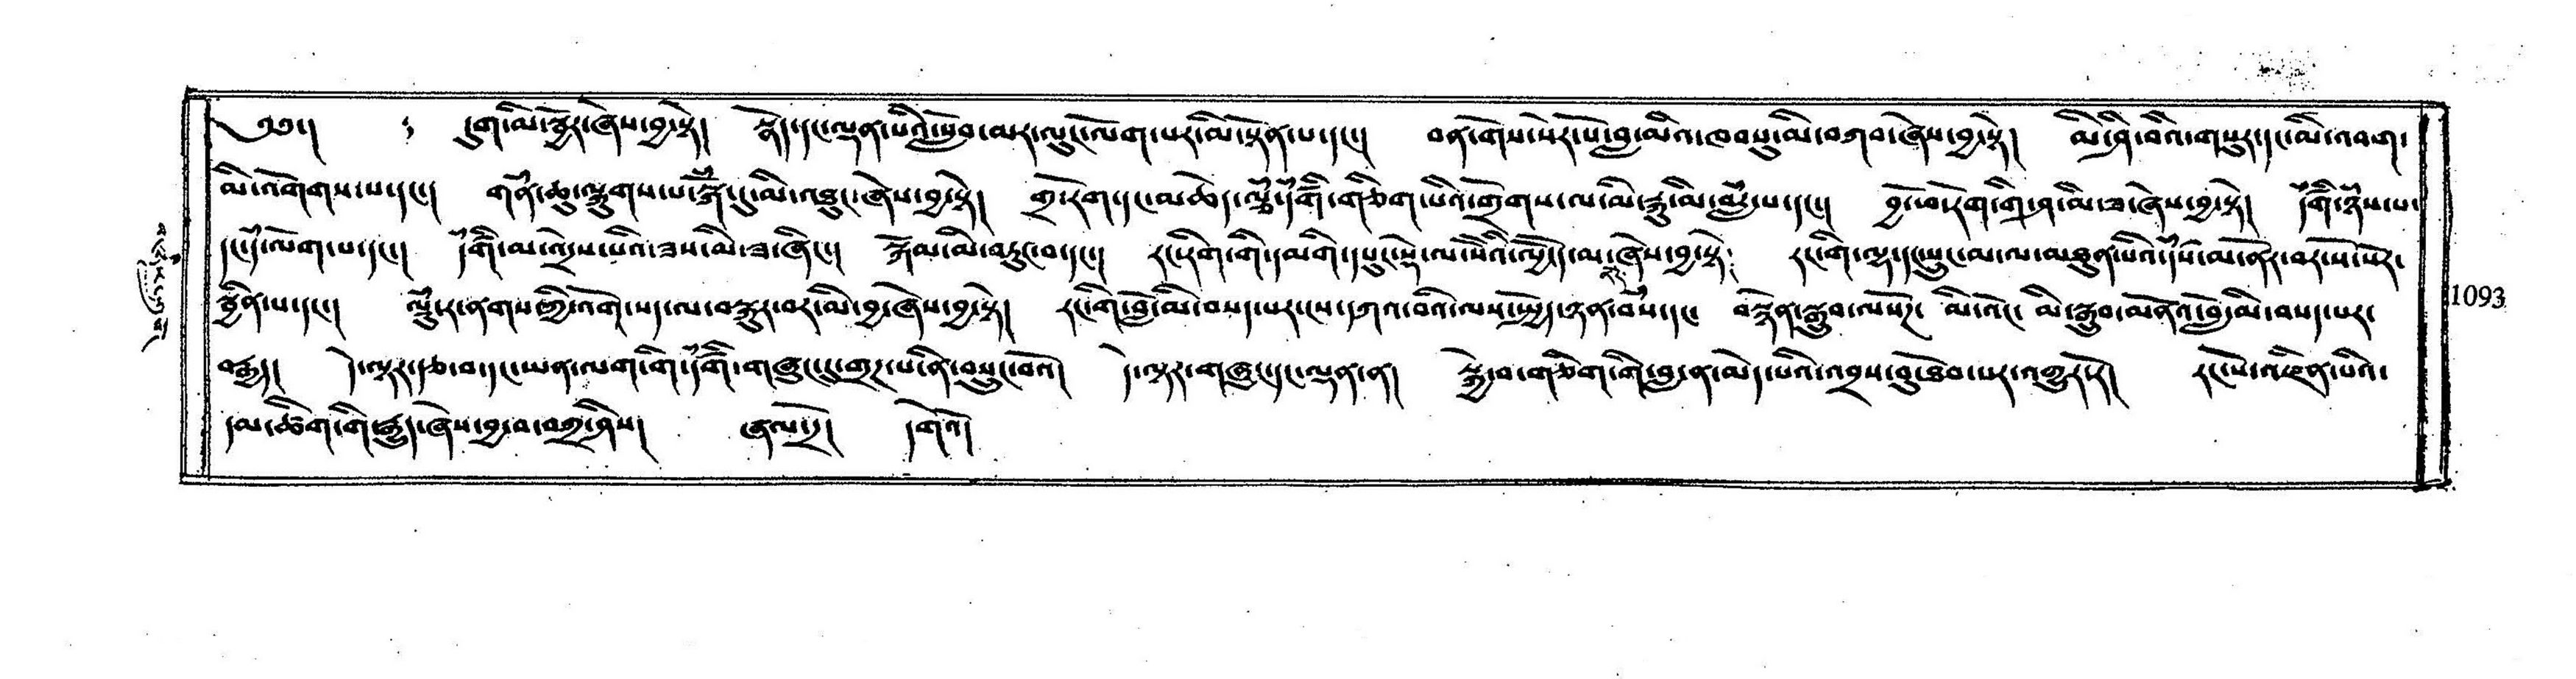དུག་མི་སྦྱོར་ཞེས་བྱ་སྟེ། སྣོད་དང་ལྡན་པའི་སློབ་མར་ལུང་ལོག་པར་མི་སྟོན་པ་དང་། བན་གོས་སེར་པོ་བླ་མའི་ཁབས་སུ་མི་བཀབ་ཞེས་བྱ་སྟེ། མི་ཤི་བའི་གསུར་དང་མི་འབག་
མི་འགོགས་པ་དང་། གནམ་ཆུ་ལྐུགས་པ་སྐོམ་དུ་མི་འཐུང་ཞེས་བ་སྟེ། གྲ་རོག་དང་མཆེད་ལྕམ་དམ་ཚིག་གཅིག་པའི་གྲོགས་ལ་མི་རྐུ་མི་བརླམ་པ་དང་། བྱ་ཕོ་རོག་གི་ཤ་མི་ཟ་ཞེས་བྱ་སྟེ། དམ་ཚིག་ཉམས་པ་
དང་དམ་ལོག་པ་དང་། དམ་ཚིག་མ་འདྲེས་པའི་ཟས་མི་ཟ་ཞིང་། སྐོམ་མི་བཏུང་བ་དང་། རང་རིག་གི་དམག་གི་དཔུང་སྡེ་ལ་སོ་སོའི་ལོངས་སྤྱོད་མ་ནོར་ཞེས་བྱ་སྟེ། རང་གི་ལྷ་དང་སྲུང་མ་ལ་མཐུན་པའི་དམ་རྫས་མ་ནོར་བར་སོ་སོར་
སྦྱིན་པ་དང་། ལྡུམ་ར་ནགས་ཀྱི་འོག་པད་ལ་བསྐུར་བར་མི་བྱ་ཞེས་བྱ་སྟེ། རང་གི་བློ་མི་བསད་པར་ངས་དཀའ་བའི་ལས་སྤྱོད་ཉན་བསམ་དང་བསྙེན་སྒྲུབ་ལ་སོགས་མི་འོང་མི་སྒྲུབ་མནོའ་བློ་མི་བསད་པར་
བརྒྱད། དེ་ལྟར་རྩ་བ་དང་ཡན་ལག་གི་དམ་ཚིག་གཞུང་དུ་གྲགས་པ་ནི་བསྲུང་བའོ། དེ་ལྟར་གཞུང་དང་ལྡན་ན། སྐྱེ་བ་གཅིག་གི་བླ་ན་མེད་པའི་འབྲས་བུ་ཐོབ་པར་འགྱུར་རོ། རང་སོ་འཛིན་པའི་
དམ་ཚིག་གི་རྒྱུད་ཞེས་བྱ་བ་བཀྲ་ཤིས། ཞལ་དྲོ། དགེའོ།